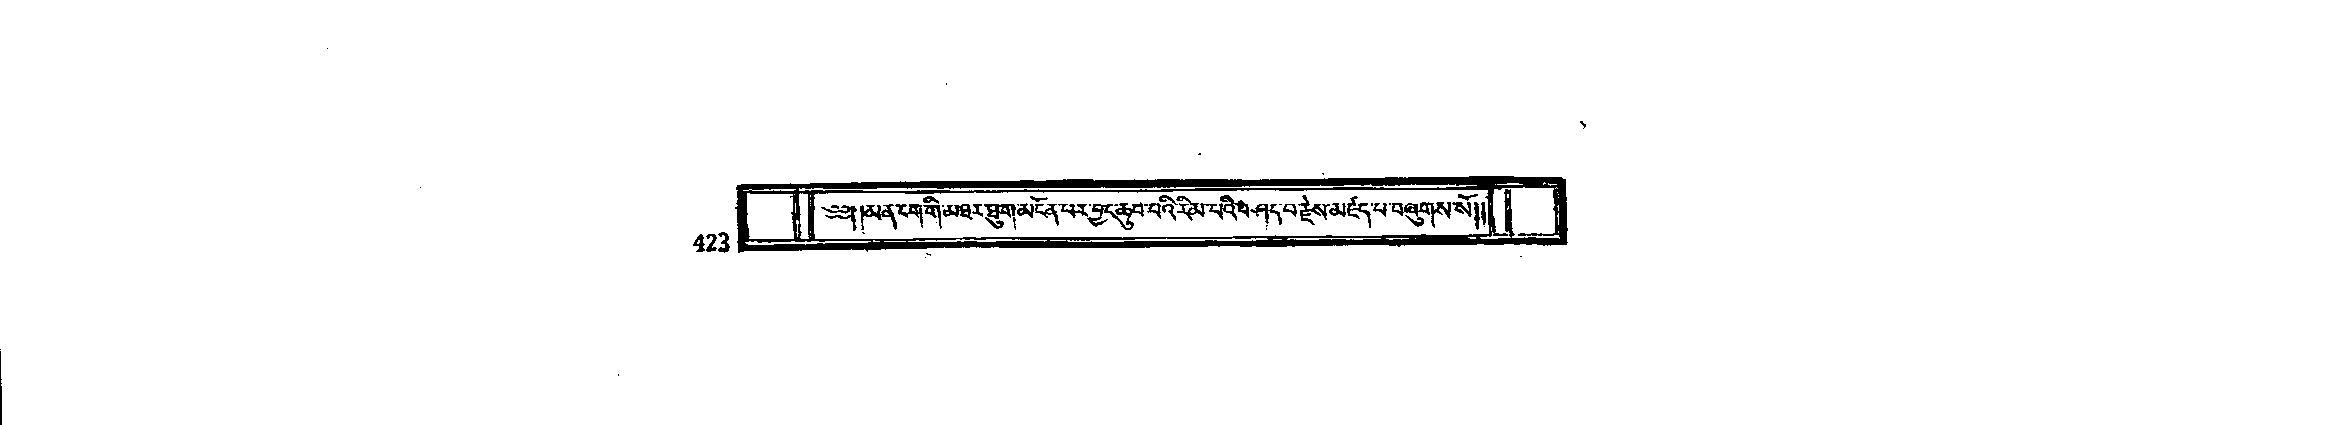༄༅། །མན་ངག་གི་མཐར་ཐུག་མངོན་པར་བྱང་ཆུབ་པའི་རིམ་པའི་བཤད་པ་རྗེས་མཛད་པ་བཞུགས་སོ།།